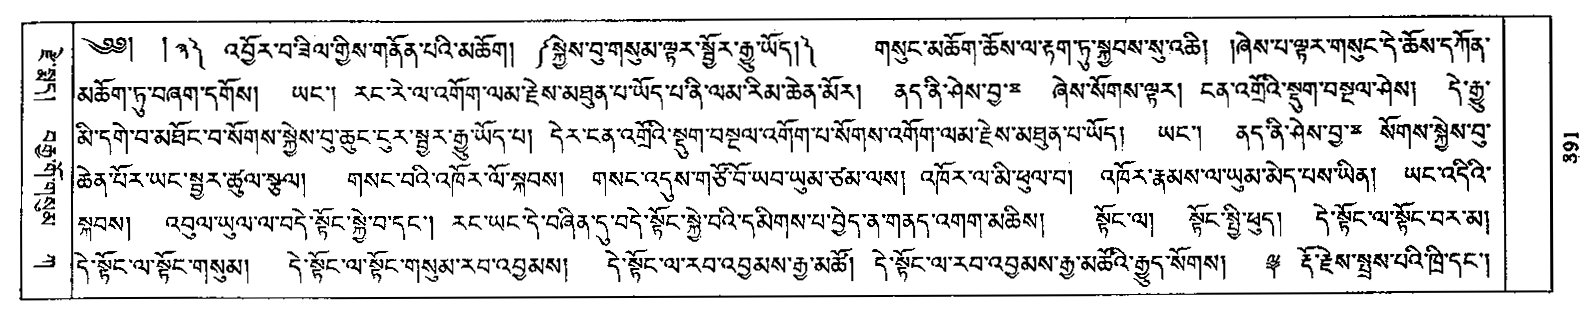༄༅། །༣?་འབྱོར་བ་ཟིལ་གྱིས་གནོན་པའི་མཆོག། སྐྱེས་བུ་གསུམ་ལྟར་སྦྱོར་རྒྱུ་ཡོད།?་གསུང་མཆོག་ཆོས་ལ་རྟག་ཏུ་སྐྱབས་སུ་འཆི། །ཞེས་པ་ལྟར་གསུང་དེ་ཆོས་དཀོན་
མཆོག་ཏུ་བཞག་དགོས། ཡང་། རང་རེ་ལ་འགོག་ལམ་རྗེས་མཐུན་པ་ཡོད་པ་ནི་ལམ་རིམ་ཆེན་མོར། ནད་ནི་ཤེས་བྱ་྾་ཞེས་སོགས་ལྟར། ངན་འགྲོའི་སྡུག་བསྔལ་ཤེས། དེ་རྒྱུ་
མི་དགེ་བ་མཐོང་བ་སོགས་སྐྱེས་བུ་ཆུང་ངུར་སྦྱར་རྒྱུ་ཡོད་པ། དེར་ངན་འགྲོའི་སྡུག་བསྔལ་འགོག་པ་སོགས་འགོག་ལམ་རྗེས་མཐུན་པ་ཡོད། ཡང་། ནད་ནི་ཤེས་བྱ་྾་སོགས་སྐྱེས་བུ་
ཆེན་པོར་ཡང་སྦྱར་ཚུལ་སྩལ། གསང་བའི་འཁོར་ལོ་སྐབས། གསང་འདུས་གཙོ་བོ་ཡབ་ཡུམ་ཙམ་ལས། འཁོར་ལ་མི་ཕུལ་བ། འཁོར་རྣམས་ལ་ཡུམ་མེད་པས་ཡིན། ཡང་འདིའི་
སྐབས། འབུལ་ཡུལ་ལ་བདེ་སྟོང་སྐྱེ་བ་དང་། རང་ཡང་དེ་བཞིན་དུ་བདེ་སྟོང་སྐྱེ་བའི་དམིགས་པ་བྱེད་ན་གནད་འགག་མཆིས། སྟོང་ལ། སྟོང་སྤྱི་ཕུད། དེ་སྟོང་ལ་སྟོང་བར་མ།
དེ་སྟོང་ལ་སྟོང་གསུམ། དེ་སྟོང་ལ་སྟོང་གསུམ་རབ་འབྱམས། དེ་སྟོང་ལ་རབ་འབྱམས་རྒྱ་མཚོ། དེ་སྟོང་ལ་རབ་འབྱམས་རྒྱ་མཚོའི་རྒྱུད་སོགས། ༈ རྡོ་རྗེས་སྤྲས་པའི་ཁྲི་དང་།